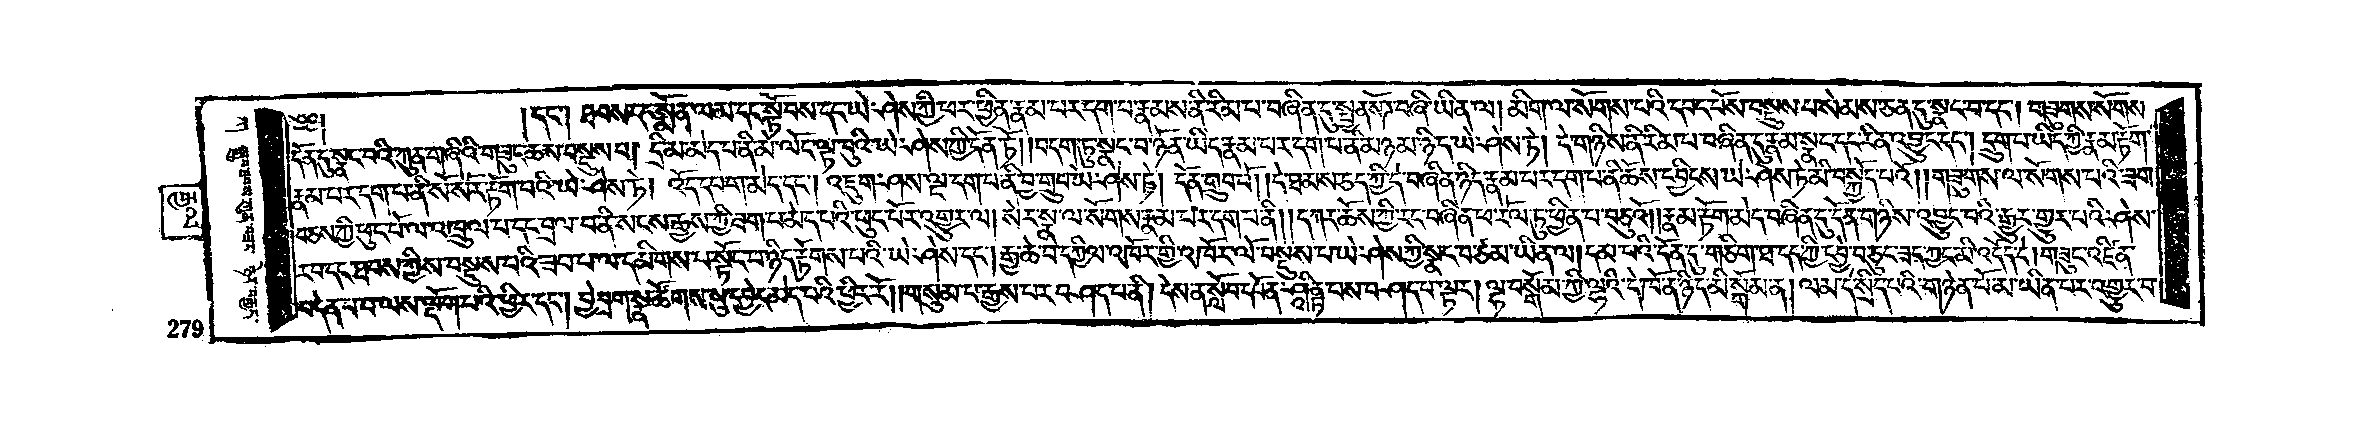༄༅། །དང་། ཐབས་དང་སྨོན་ལམ་དང་སྟོབས་དང་ཡེ་ཤེས་ཀྱི་ཕར་ཕྱིན་རྣམ་པར་དག་པ་རྣམས་ནི་རིམ་པ་བཞིན་དུ་སྤྱན་སོགས་བཞི་ཡིན་ལ། མིག་ལ་སོགས་པའི་དབང་པོས་བསྡུས་པ་སེམས་ཅན་དུ་སྣང་བ་དང་། གཟུགས་སོགས་
དོན་དུ་སྣང་བའི་ཀུན་གཞཱི་གཟུང་ཆས་བསྡུས་པ། དྲི་མ་མེད་པ་ནི་མེ་ལོང་ལྟ་བུའི་ཡེ་ཤེས་ཀྱི་དོན་ཏོ། །བདག་ཏུ་སྣང་བ་ཉོན་ཡིད་རྣམ་པར་དག་པ་ནི་མཉམ་ཉིད་ཡེ་ཤེས་ཏེ། དེ་གཉིས་ནི་རིམ་པ་བཞིན་དུ་རྣམ་སྣང་དང་རིན་འབྱུང་དང་། དྲུག་པ་ཡིད་ཀྱི་རྣམ་རྟོག་
རྣམ་པར་དག་པ་ནི་སོ་སོར་རྟོག་པའི་ཡེ་ཤེས་ཏེ། འོད་དཔག་མེད་དང་། འཇུག་ཤས་ལྔ་དག་པ་ནི་བྱ་གྲུབ་ཡེ་ཤེས་ཏེ། དོན་གྲུབ་བོ། །དེ་ཐམས་ཅད་ཀྱི་དེ་བཞིན་ཉིད་རྣམ་པར་དག་པ་ནི་ཆོས་དབྱིངས་ཡེ་ཤེས་ཏེ་མི་བསྐྱོད་པའོ། །གཟུགས་ལ་སོགས་པའི་ཟག་
བཅས་ཀྱི་ཕུང་པོ་ལ་འཁྲུལ་པ་དང་བྲལ་བ་ནི་སངས་རྒྱས་ཀྱི་ཟག་པ་མེད་པའི་ཕུང་པོར་འགྱུར་ལ། སེར་སྣ་ལ་སོགས་རྣམ་པར་དག་པ་ནི། །དཀར་ཆོས་ཀྱི་རང་བཞིན་ཕ་རོལ་ཏུ་ཕྱིན་པ་བཅུའོ། །རྣམ་རྟོག་མེད་བཞིན་དུ་དོན་གཉིས་འབྱུང་བའི་རྒྱུར་གྱུར་པའི་ཤེས་
རབ་དང་ཐབས་ཀྱིས་བསྡུས་པའི་ཟབ་པ་ལ་དམིགས་པ་སྟོང་པ་ཉིད་རྟོགས་པའི་ཡེ་ཤེས་དང་། རྒྱ་ཆེ་བ་དཀྱིལ་འཁོར་གྱི་འཁོར་ལོ་བསྡུས་པ་ཡེ་ཤེས་ཀྱི་སྣང་བ་ཙམ་ཡིན་ལ། དམ་པའི་དོན་དུ་གཅིག་ཐ་དད་ཀྱི་དབྱེ་བ་ཅུང་ཟད་ཀྱང་མི་འདོད་དེ། གཟུང་འཛིན་
བདེན་པ་བ་ལས་ལྡོག་པའི་ཕྱིར་དང་། བྱེ་བྲག་སྣ་ཚོགས་སུ་དབྱེར་མེད་པའི་ཕྱིར་རོ། །གསུམ་པ་རྒྱས་པར་བཤད་པ་ནི། དེས་ན་སློབ་དཔོན་ཤཱནཏེ་པས་བཤད་པ་ལྟར། ལྷ་བསྒོམ་ཀྱི་ལྷའི་དེ་ཁོ་ན་ཉིད་མི་སྒོམ་ན། ལམ་དེ་སྲིད་པའི་གཉེན་པོ་མ་ཡིན་པར་འགྱུར་བ་